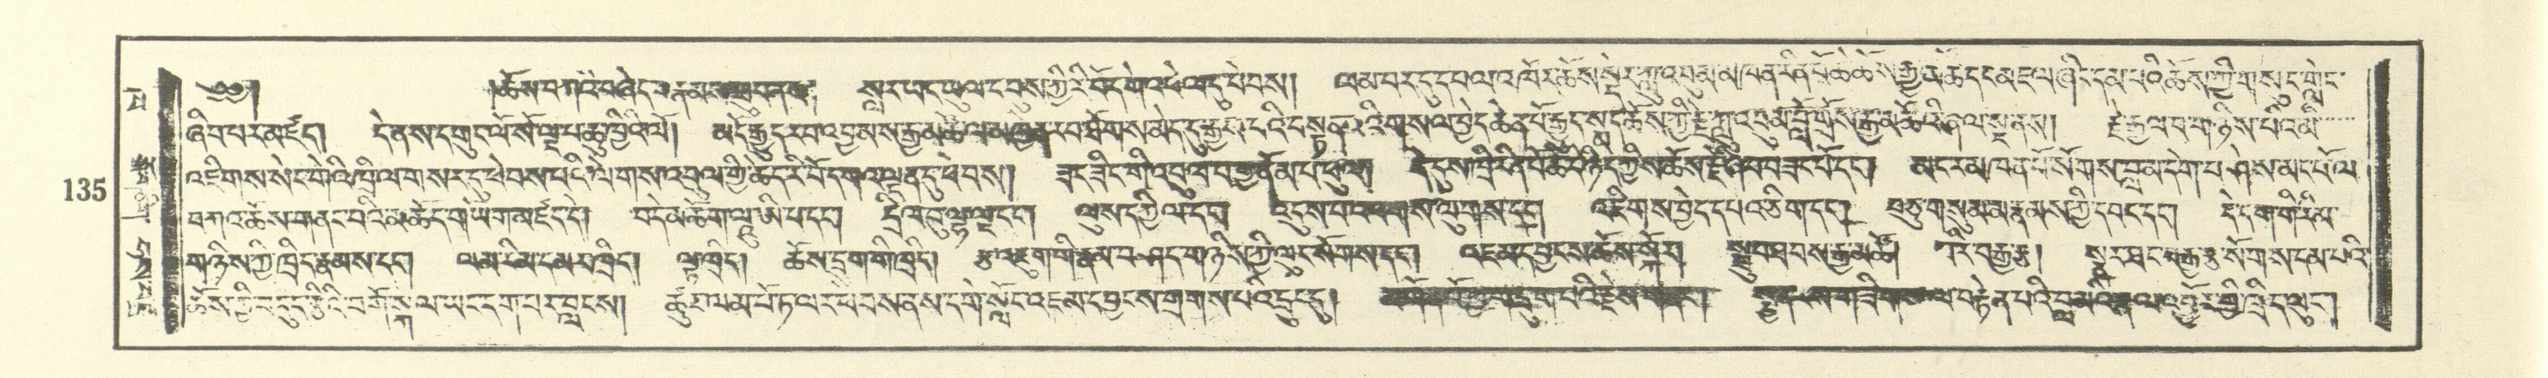༄༅། །ཆོས་བཀའི་བཞེད་བ་རྣམས་གྲུབ་ནས། སླར་ཡང་ཡུལ་དབུས་ཀྱི་རི་བོ་དགེ་འཕེལ་དུ་ཕེབས། ལམ་བར་དུ་དཔལ་འཁོར་ཆོས་སྡེར་ཀླུ་འབུམ་མཁན་རིན་པོ་ཆེ་ཆོས་རྒྱ་མཚོ་དང་མཇལ་ཞིང་དམ་པའི་ཆོས་ཀྱི་གསུང་གླེང་
ཞིབ་པར་མཛད། དེ་ནས་དགུང་ལོ་སོ་ལྔ་པ་ཆུ་ཁྱིའི་ལོ། མདོ་རྒྱུད་རབ་འབྱམས་རྒྱ་མཚོ་ལ་མཁྱེན་རབ་ཐོགས་མེད་དུ་རྒྱས་པའི་བསྟན་བའི་གསལ་བྱེད་ཆེན་པོ་རྒྱུད་སྨད་ཆོས་ཀྱི་རྗེ་ཀླུ་འབུམ་བློ་གྲོས་རྒྱ་མཚོའི་ཞལ་སྔ་ནས། རྗེ་རྒྱལ་བ་གཉིས་པའི་མི་
འཇིགས་སེང་གེའི་འཁྲི་ལ་གསར་དུ་ཕེབས་པའི་ལེགས་འབུལ་གྱི་ཆེད་རི་བོ་དགའ་ལྡན་དུ་ཕེབས། ཟང་ཟིང་གི་འབུལ་བ་གྱ་ནོམ་པ་ཕུལ། དེ་དུས་ཁྲི་རིན་པོ་ཆེ་དེ་ཉིད་ཀྱིས་ཆོས་རྗེ་ཞིབ་བཟང་པོ་དང་། མང་ར་མཁན་པོ་སོགས་བླ་མ་དགེ་བཤེས་མང་པོ་ལ་
བཀའ་ཆོས་གནང་བའི་མཆོད་གཡོག་མཛད་དེ། བདེ་མཆོག་ལཱུ་ཨི་པ་དང་། དྲིལ་བུ་ལྷ་ལྔ་དང་། ལུས་དཀྱིལ་དང་། འདུས་པ་འཕགས་ལུགས་དང་། འཇིགས་བྱེད་དཔའ་ཅིག་དང་། བཅུ་གསུམ་མ་རྣམས་ཀྱི་དབང་དང་། དེ་དག་གི་རིམ་
གཉིས་ཀྱི་ཁྲིད་རྣམས་དང་། ལམ་རིམ་དམར་ཁྲིད། ལྟ་ཁྲིད། ཆོས་དྲུག་གི་ཁྲིད། རྩ་འཇུག་གི་རྣམ་བཤད་གཉིས་ཀྱི་ལུང་སོགས་དང་། འཇམ་དབྱངས་ཆོས་སྐོར། སྒྲུབ་ཐབས་རྒྱ་མཚོ། ཟིར?་བརྒྱ་རྩ། སྣར་ཐང་བརྒྱ་རྩ་སོགས་དམ་པའི་
ཆོས་ཀྱི་བདུད་རྩིའི་བགོ་སྐལ་ཡང་དག་བར་བླངས། ཚུར་ལམ་པོ་ཏ་ལར་ཕེབས་ནས་དགེ་སློང་འཇམ་དབྱངས་གྲགས་པའི་དྲུང་དུ། མགོན་པོ་ཕྱག་དྲུག་པའི་རྗེས་གནང་། སྤྱན་རས་གཟིགས་ལ་བརྟེན་པའི་བླ་མའི་རྣལ་འབྱོར་གྱི་ཁྲིད་ལུང་།